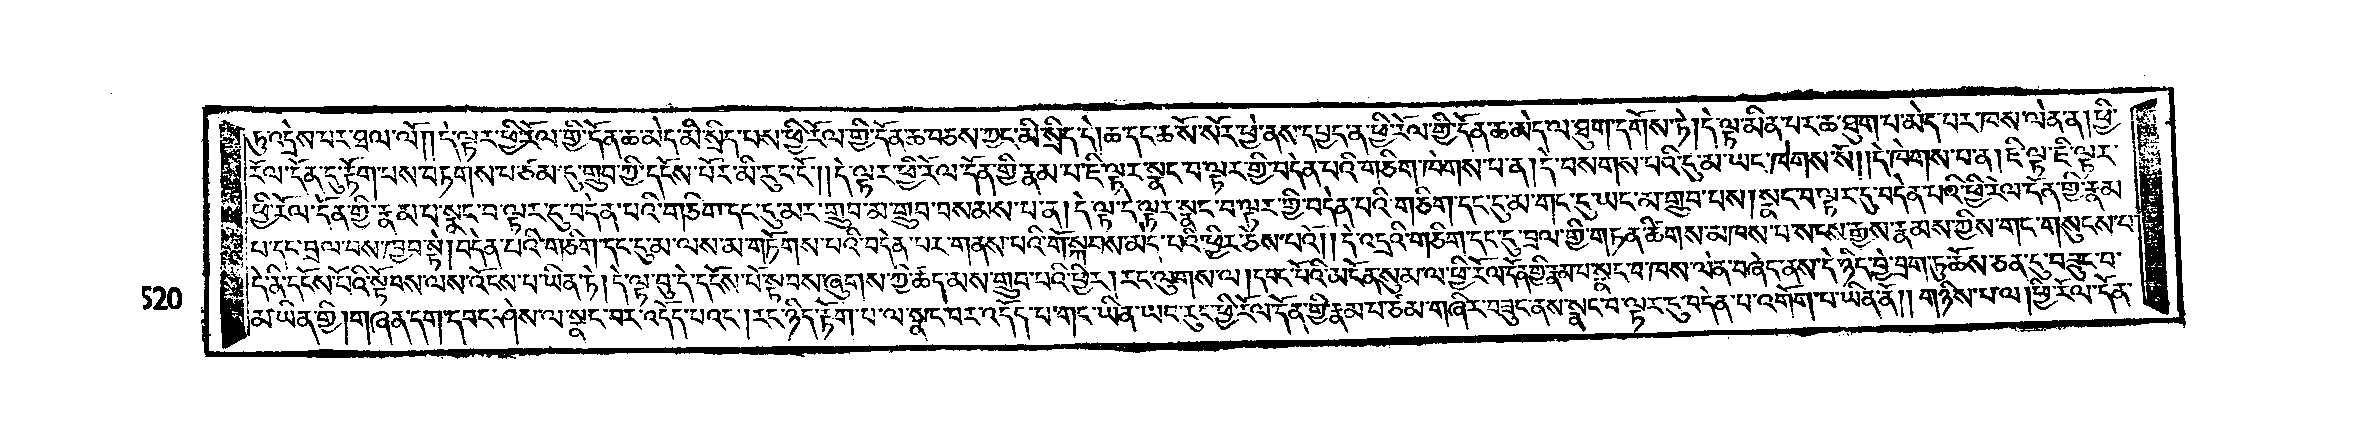ཏུ་འདྲེས་པར་ཐལ་ལོ། །དེ་ལྟར་ཕྱི་རོལ་གྱི་དོན་ཆ་མེད་མི་སྲིད་པས་ཕྱི་རོལ་གྱི་དོན་ཆ་བཅས་ཀྱང་མི་སྲིད་དེ། ཆ་དང་ཆ་སོ་སོར་ཕྱེ་ནས་དཔྱད་ན་ཕྱི་རོལ་གྱི་དོན་ཆ་མེད་ལ་ཐུག་དགོས་ཏེ། དེ་ལྟ་མིན་པར་ཆ་ཐུག་པ་མེད་པར་ཁས་ལེན་ན། ཕྱི་
རོལ་དོན་དུ་རྟོག་པས་བཏགས་པ་ཙམ་དུ་གྲུབ་ཀྱི་དངོས་པོར་མི་རུང་ངོ། །དེ་ལྟར་ཕྱི་རོལ་དོན་གྱི་རྣམ་པ་ཇི་ལྟར་སྣང་བ་ལྟར་གྱི་བདེན་པའི་གཅིག་ཁེགས་པ་ན། དེ་བསགས་པའི་དུ་མ་ཡང་ཁེགས་སོ། །དེ་ཁེགས་པ་ན། ཇི་ལྟ་ཇི་ལྟར་
ཕྱི་རོལ་དོན་གྱི་རྣམ་པ་སྣང་བ་ལྟར་དུ་བདེན་པའི་གཅིག་དང་དུ་མར་གྲུབ་མ་གྲུབ་བསམས་པ་ན། དེ་ལྟ་དེ་ལྟར་སྣང་བ་ལྟར་གྱི་བདེན་པའི་གཅིག་དང་དུ་མ་གང་དུ་ཡང་མ་གྲུབ་པས། སྣང་བ་ལྟར་དུ་བདེན་པའི་ཕྱི་རོལ་དོན་གྱི་རྣམ་
པ་དང་བྲལ་བས་ཁྱབ་སྟེ། བདེན་པའི་གཅིག་དང་དུ་མ་ལས་མ་གཏོགས་པའི་བདེན་པར་གནས་པའི་གོ་སྐབས་མེད་པའི་ཕྱིར་ཅེས་པའོ། །དེ་འདྲའི་གཅིག་དང་དུ་བྲལ་གྱི་གཏན་ཚིགས་མཁས་པ་སངས་རྒྱས་རྣམས་ཀྱིས་གང་གསུངས་པ་
དེ་ནི་དངོས་པོའི་སྟོབས་ལས་འོངས་པ་ཡིན་ཏེ། དེ་ལྟ་བུ་དེ་དངོས་པོ་སྟབས་ཞུགས་ཀྱི་ཚད་མས་གྲུབ་པའི་ཕྱིར། རང་ལུགས་ལ། དབང་པོའི་མངོན་སུམ་ལ་ཕྱི་རོལ་དོན་གྱི་རྣམ་པ་སྣང་བ་ཁས་ལེན་བཞེད་ནས་དེ་ཉིད་བྱེ་བྲག་ཏུ་ཆོས་ཅན་དུ་བཟུང་བ་
མ་ཡིན་གྱི། གཞན་དག་དབང་ཤེས་ལ་སྣང་བར་འདོད་པའང་། རང་ཉིད་རྟོག་པ་ལ་སྣང་བར་འདོད་པ་གང་ཡིན་ཡང་རུང་ཕྱི་རོལ་དོན་གྱི་རྣམ་པ་ཙམ་གཞིར་བཟུང་ནས་སྣང་བ་ལྟར་དུ་བདེན་པ་འགོག་པ་ཡིན་ནོ། །གཉིས་པ་ལ། ཕྱི་རོལ་དོན་